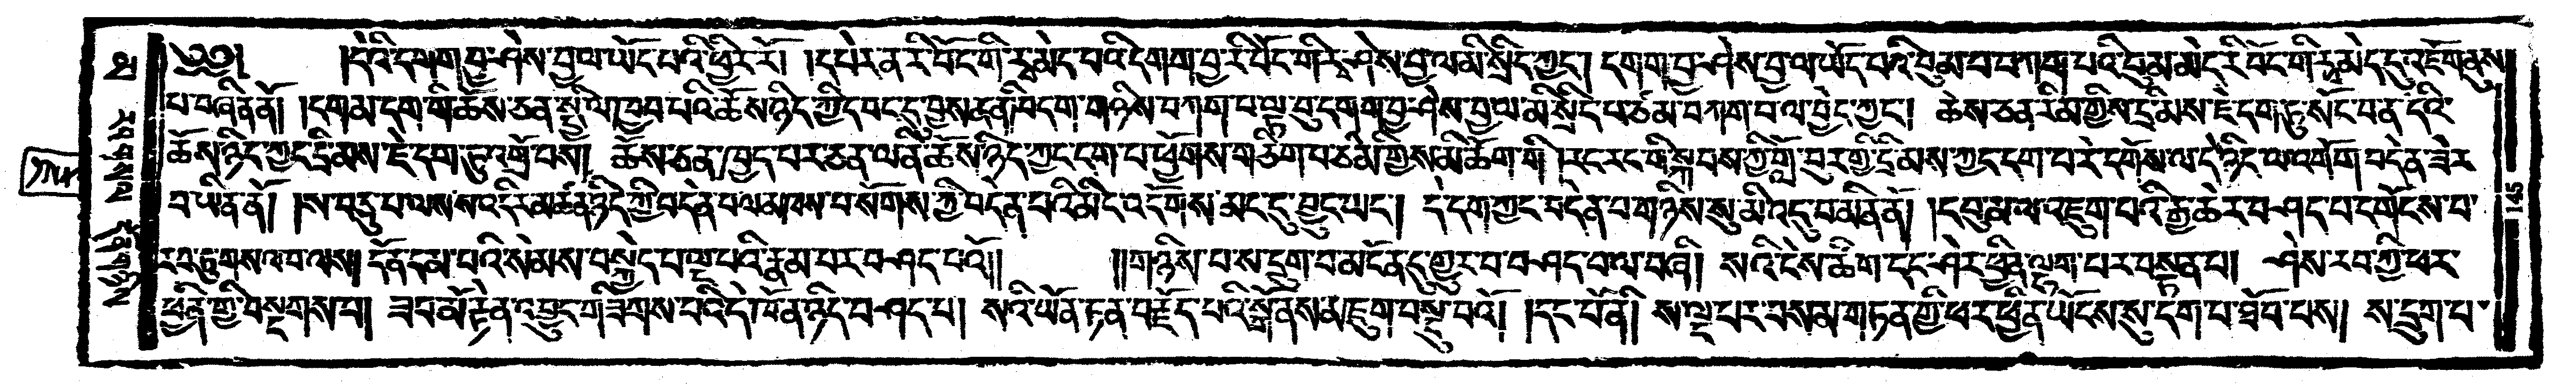༄༅། །དེའི་དགག་བྱ་ཤེས་བྱ་ལ་ཡོད་པའི་ཕྱིར་རོ། །དཔེར་ན་རི་བོང་གི་རྭ་མེད་པའི་དགག་བྱ་རི་བོང་གི་རྭ་ཤེས་བྱ་ལ་མི་སྲིད་ཀྱང་། དགག་བྱ་ཤེས་བྱ་ལ་ཡོད་པའི་བུམ་པ་བཀག་པའི་བུམ་མེད་རི་བོང་གི་རྭ་མེད་དུ་འཇོག་ནུས་
པ་བཞིན་ནོ། །དག་མ་དག་གི་ཆོས་ཅན་སྤྱི་ལ་ཁྱབ་པའི་ཆོས་ཉིད་ཀྱི་དབང་དུ་བྱས་ན་ནི། བདག་གཉིས་བཀག་པ་ལྟ་བུ་དགག་བྱ་ཤེས་བྱ་ལ་མི་སྲིད་པ་ཙམ་བཀག་པ་ལ་བྱེད་ཀྱང་། ཆོས་ཅན་རིམ་གྱིས་དྲི་མས་ཇེ་དག་ཏུ་སོང་བ་ན་དེའི་
ཆོས་ཉིད་ཀྱང་དྲི་མས་ཇེ་དག་ཏུ་འགྲོ་བས། ཆོས་ཅན་ཁྱད་པར་ཅན་ལ་ནི་ཆོས་ཉིད་ཀྱང་དག་པ་ཕྱོགས་གཅིག་པ་ཙམ་གྱིས་མི་ཆོག་གི །རང་རང་གི་སྐབས་ཀྱི་གློ་བུར་གྱི་དྲི་མས་ཀྱང་དག་པ་རེ་དགོས་ལ་དེ་ཉིད་ལ་འགོག་བདེན་ཟེར་
བ་ཡིན་ནོ། །ས་བཅུ་པ་ལས་ས་འདིར་མཚན་ཉིད་ཀྱི་བདེན་པ་ལ་མཁས་པ་སོགས་ཀྱི་བདེན་པའི་མིང་འདོགས་མང་དུ་བྱུང་ཡང་། དེ་དག་ཀྱང་བདེན་པ་གཉིས་སུ་མི་འདུ་བ་མིན་ནོ། །དབུ་མ་ལ་འཇུག་པའི་རྒྱ་ཆེར་བཤད་པ་དགོངས་པ་
རབ་ཏུ་གསལ་བ་ལས། དོན་དམ་པའི་སེམས་བསྐྱེད་པ་ལྔ་པའི་རྣམ་པར་བཤད་པའོ།། །།གཉིས་པ་ས་དྲུག་པ་མངོན་དུ་གྱུར་པ་བཤད་པ་ལ་བཞི། སའི་ངེས་ཚིག་དང་ཤེར་ཕྱིན་ལྷག་པར་བསྟན་པ། ཤེས་རབ་ཀྱི་ཕར་
ཕྱིན་གྱི་བསྔགས་པ། ཟབ་མོ་རྟེན་འབྱུང་གཟིགས་པའི་དེ་ཁོ་ན་ཉིད་བཤད་པ། སའི་ཡོན་ཏན་བརྗོད་པའི་སྒོ་ནས་མཇུག་བསྡུ་བའོ། །དང་པོ་ནི། ས་ལྔ་པར་བསམ་གཏན་གྱི་ཕར་ཕྱིན་ཡོངས་སུ་དག་པ་ཐོབ་པས། ས་དྲུག་པ་